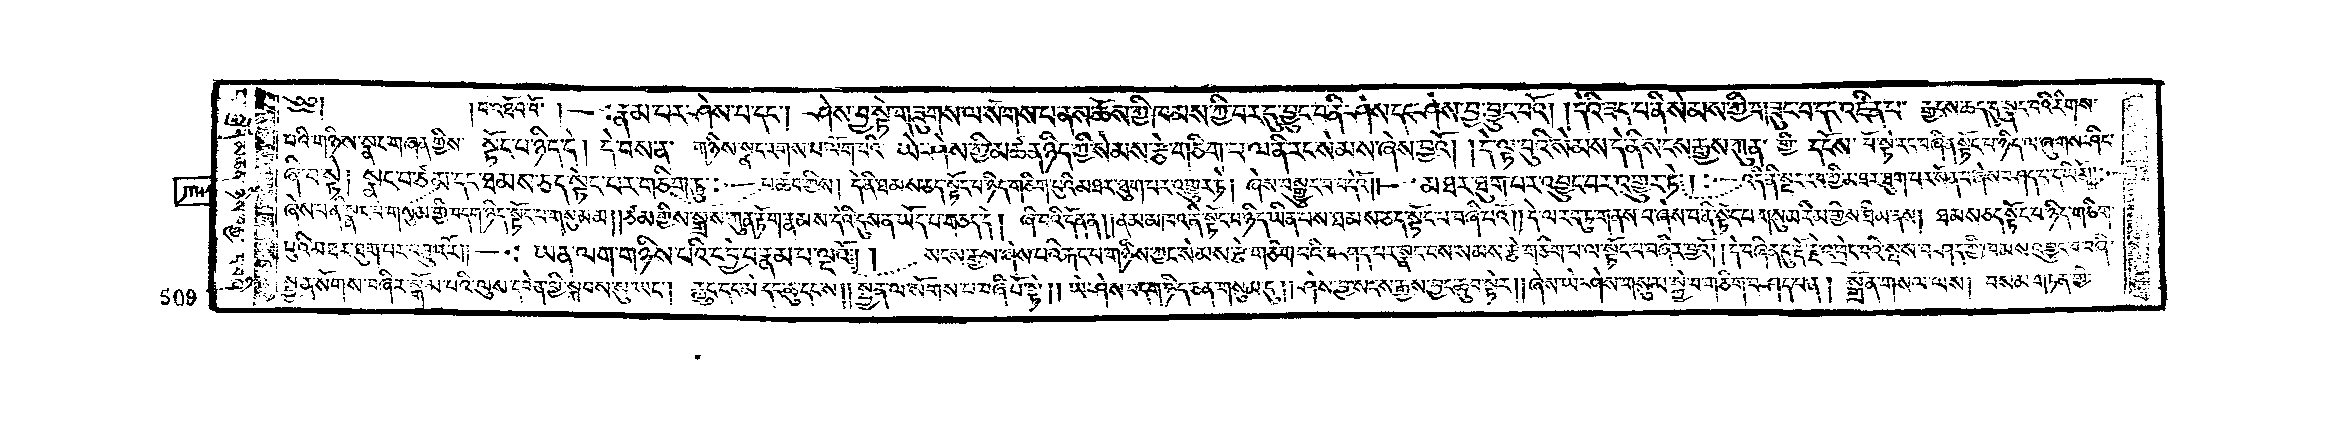༄༅། །བ་འཐོབ་བོ། .H རྣམ་པར་ཤེས་པ་དང་། ཤེས་བྱ་སྟེ་གཟུགས་ལ་སོགས་པ་ནས་ཆོས་ཀྱི་ཁམས་ཀྱི་བར་དུ་བྱུང་བ་ནི་ཤེས་དང་ཤེས་བྱ་བྱུང་བའོ། །དེའི་ཟད་པ་ནི་སེམས་ཀྱི་གཟུང་བ་དང་འཛིན་པ་རྒྱངས་ཆད་དུ་སྣང་བའི་རགས་
པའི་གཉིས་སྣང་གཞན་གྱིས་སྟོང་པ་ཉིད་དེ། དེ་བས་ན་གཉིས་སྣང་རགས་པ་ལོག་པའི་ཡེ་ཤེས་ཀྱི་མཚན་ཉིད་ཀྱི་སེམས་རྩེ་གཅིག་པ་ལ་ནི་རང་སེམས་ཞེས་བྱའོ། །དེ་ལྟ་བུའི་སེམས་དེ་ནི་སངས་རྒྱས་ཀུན་གྱི་དངོས་པོ་སྟེ་རང་བཞིན་སྟོང་པ་ཉིད་ལ་ཞུགས་ཤིང
ཞི་བ་སྟེ། སྣང་བ་ཙམ་དང་ཐམས་ཅད་སྟོང་པར་གཅིག་ཏུཿ་པ་ཚབ་ཀྱིས། དེ་ནི་ཐམས་ཅད་སྟོང་པ་ཉིད་གཅིག་པུའི་མཐར་ཐུག་པར་འགྱུར་ཏེ། ཞེས་བསྒྱུར་བ་བདེའོ།།  .Hམཐར་ཐུག་པར་འབྱུང་བར་འགྱུར་ཏེ།H.་འདི་ནི་སྔར་རབ་ཀྱི་མཐར་ཐུག་པར་སོན་པ་ཞེས་བཤད་པ་དེ་ཡིན་ནོ།།H.
ཞེས་པ་ནི་སྣང་བ་གསུམ་གྱི་བདག་ཉིད་སྟོང་པ་གསུམ་མ། །ཙམ་གྱིས་སྒྲས་ཀུན་རྟོག་རྣམས་དེའི་དུས་ན་ཡོད་པ་གཅད་དེ། ཞི་བའི་དོན་ན། །ནམ་མཁའ་ནི་སྟོང་པ་ཉིད་ཡིན་པས་ཐམས་ཅད་སྟོང་པ་བཞི་པའོ། །དེ་ལ་རབ་ཏུ་གནས་པ་ཞེས་པ་ནི་སྟོང་པ་གསུམ་རིམ་གྱིས་ཐིམ་ནས། ཐམས་ཅད་སྟོང་པ་ཉིད་གཅིག་
པུའི་མཐར་ཐུག་པར་འགྱུར་རོ།། .H ཡན་ལག་གཉིས་པའི་དབྱེ་བ་རྣམ་པ་ལྔའོ། །སངས་རྒྱས་ཞེས་པའི་རྐང་པ་གཉིས་ཀྱང་སེམས་རྩེ་གཅིག་པའི་བཤད་པར་སྣང་བས་སེམས་རྩེ་གཅིག་པ་ལ་སྟོང་པ་བཞིར་བྱའོ། །དེ་བཞིན་དུ་རྡོ་རྗེ་འཕྲེང་བའི་སྦས་བཤད་ཀྱི་ཁམས་འབྱུང་བ་བཞི་
སྤྱན་སོགས་བཞིར་སྒོམ་པའི་ལུས་དབེན་གྱི་སྐབས་སུ་ཡང་། རླུང་དང་མེ་དང་ཆུ་དང་ས། །སྤྱན་ལ་སོགས་པ་བཞི་པོ་སྟེ། །ཡེ་ཤེས་བདག་ཉིད་ཅན་གསུམ་དུ། །ཤེས་བྱ་སངས་རྒྱས་བྱང་ཆུབ་སྟེར། །ཞེས་ཡེ་ཤེས་གསུམ་སྐྱེ་བ་གཅིག་བཤད་པ་ན། སྒྲོན་གསལ་ལས། བསམ་གཏན་གྱི་